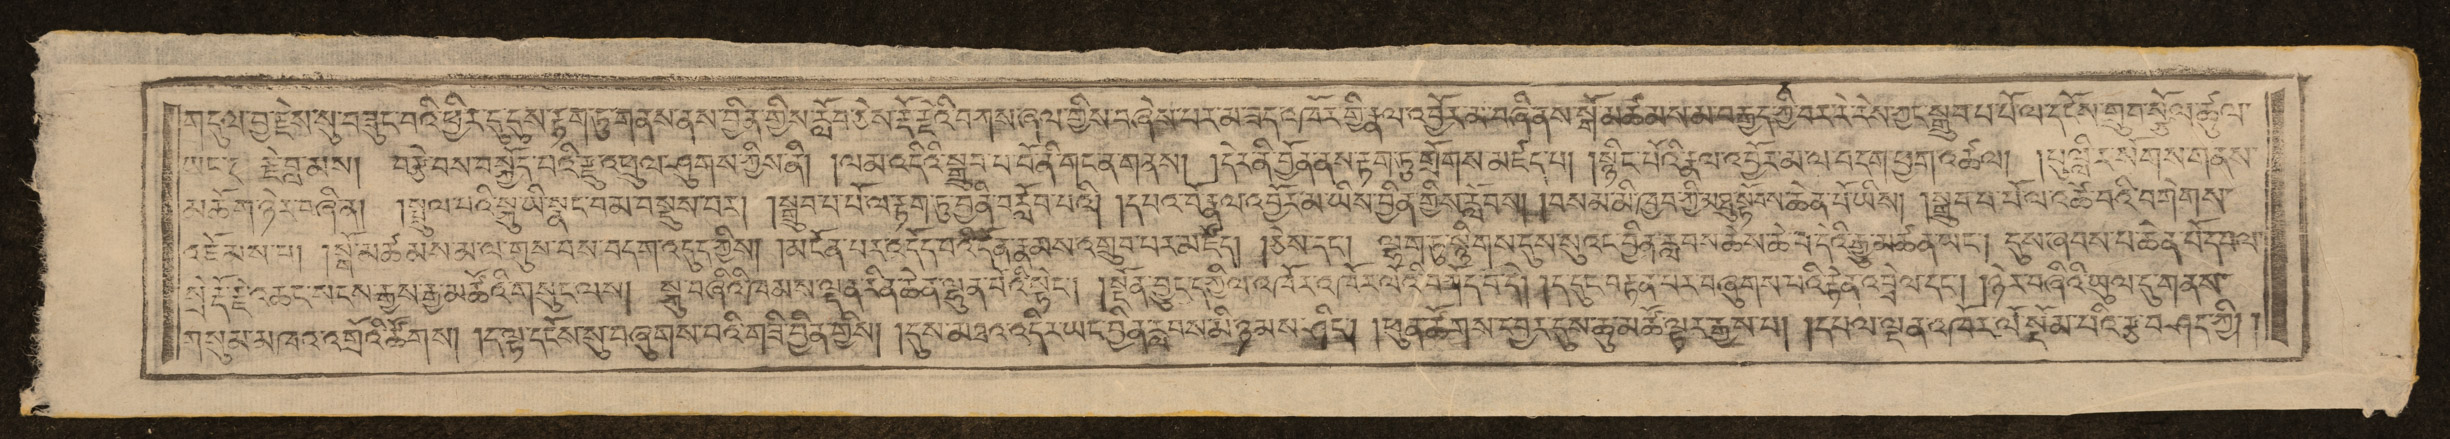གདུལ་བྱ་རྗེས་སུ་བཟུང་བའི་ཕྱིར་དུ་དུས་རྟག་ཏུ་གནས་ནས་བྱིན་གྱིས་རློབ་ཅེས་རྡོ་རྗེའི་བཀས་ཞལ་གྱིས་བཞེས་པར་མ་ཟད་འཁོར་གྱི་རྣལ་འབྱོར་མ་བཞི་ནས་སྒོ་མཚམས་མ་བརྒྱད་ཀྱི་བར་རེ་རེས་ཀྱང་སྒྲུབ་པ་པོ་ལ་དངོས་གྲུབ་སྩོལ་ཚུལ་
ཡང༑ རྗེ་བླ་མས། བརྩེ་བས་བསྐྱོད་པའི་རྫུ་འཕྲུལ་ཤུགས་ཀྱིས་ནི། །ལམ་འདིའི་སྒྲུབ་པ་བོ་ནི་གང་ན་གནས། །དེར་ནི་བྱོན་ནས་རྟག་ཏུ་གྲོགས་མཛད་པ། །སྙིང་པོའི་རྣལ་འབྱོར་མ་ལ་བདག་ཕྱག་འཚལ། །པུ་ལླི་ར་སོགས་གནས་
མཆོག་ཉེར་བཞིན། །སྤྲུལ་པའི་སྐུ་ཡི་སྣང་བ་མ་བསྡུས་པར། །སྒྲུབ་པ་པོ་ལ་རྟག་ཏུ་བྱ་ནི་བརློབ་པའི། །དཔའ་བོ་རྣལ་འབྱོར་མ་ཡིས་བྱིན་གྱིས་རློབས། །བསམ་མི་ཁྱབ་ཀྱི་མཐུ་སྟོབས་ཆེན་པོ་ཡིས། །སྒྲུབ་པ་པོ་ལ་འཚེ་བའི་བགེགས་
འཇོམས་པ། །སྒོ་མཚམས་མ་ལ་གུས་པས་བདག་འདུད་གྱིས། །མངོན་པར་འདོད་པའི་དོན་རྣམས་འགྲུབ་པར་མཛོད། །ཅེས་དང་། ལྷག་ཏུ་སྙིགས་དུས་སུའང་བྱིན་རླབས་ཆེས་ཆེ་བདེའི་རྒྱུ་མཚན་ཡང་། དུས་ཞབས་པ་ཆེན་པོ་དཔལ་
སྲེ་རྡོ་རྗེ་འཆང་སངས་རྒྱས་རྒྱ་མཚོའི་གསུང་ལས། སྐུ་བཞིའི་ཁམས་ལྡན་རིན་ཆེན་ལྷུན་པོའི་སྟེང་། །སྔོན་བྱུང་དཀྱིལ་འཁོར་འཁོར་ལོའི་བཀོད་པ་དེ། །ད་དུང་བརྟན་པར་བཞུགས་པའི་རྟེན་འབྲེལ་དང་། །ཉེར་བཞིའི་ཡུལ་དུ་གནས་
གསུམ་མཁའ་འགྲོའི་ཚོགས། །ད་ལྟ་དངོས་སུ་བཞུགས་པའི་གཟི་བྱིན་གྱིས། །དུས་མཐའ་འདིར་ཡང་བྱིན་རླབས་མི་ཉམས་ཤིང་། །ཕུན་ཚོགས་དབྱར་དུས་ཆུ་མཚོ་ལྟར་རྒྱས་པ། །དཔལ་ལྡན་འཁོར་ལོ་སྡོམ་པའི་རྩ་བཤད་ཀྱི། །